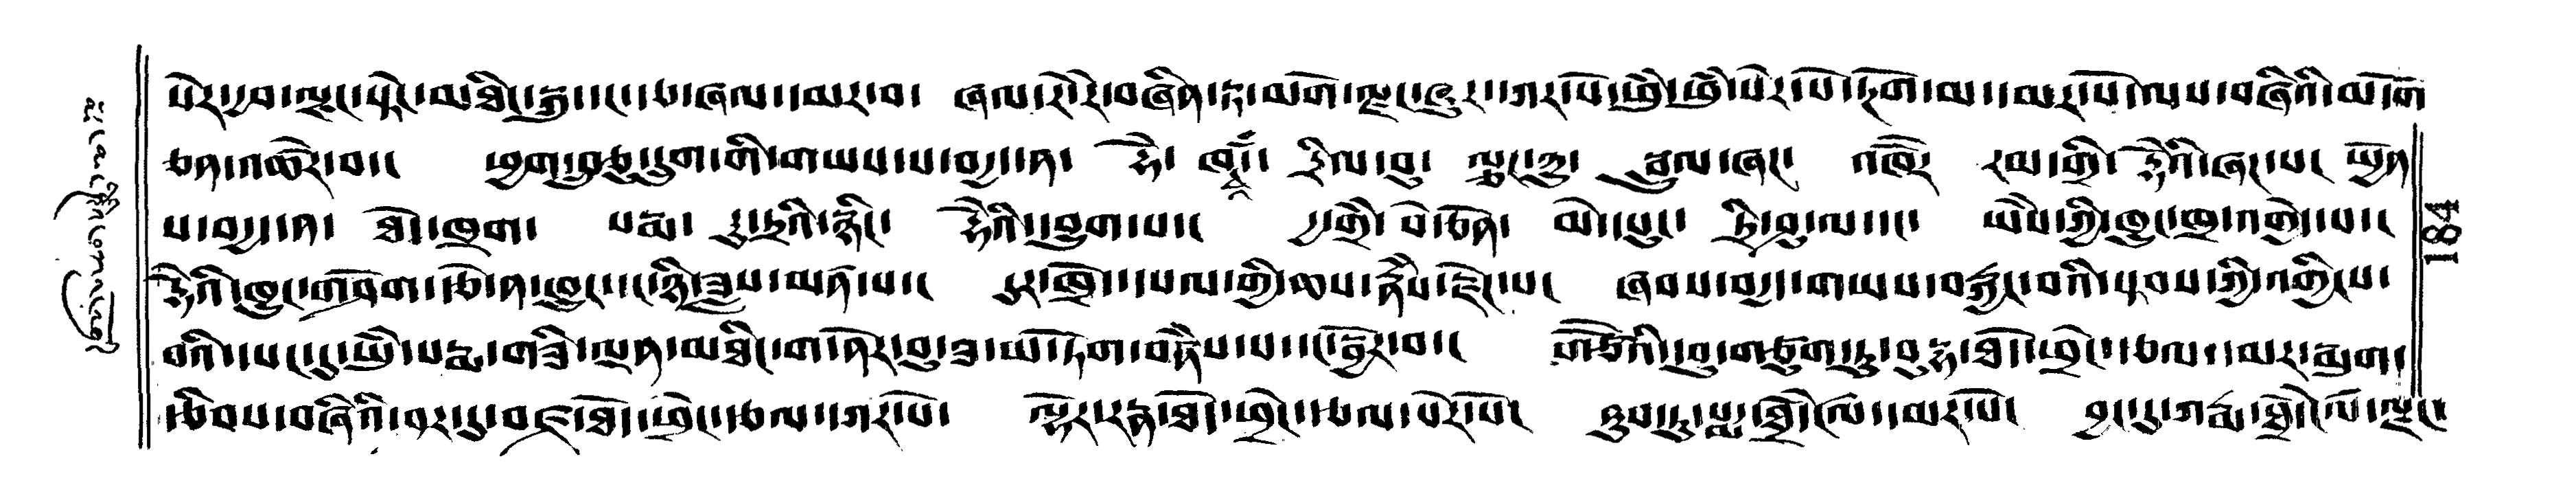སེར་རྒྱབ་ལྗང་སྟེང་མཐིང་སྐུ་དང་རྩ་ཞལ་དམར་བ་ཞལ་རེ་རེ་བཞིན་རྟ་མགོ་ལྗང་ཁུར་དཀར་པོ་ཕུར་བུ་སེར་པོ་རྔོག་མ་དམར་པོ་ལས་བཞིའི་མདོག་
ཅན་འཚེར་བ། ཕྱག་རྒྱ་བཅུ་དྲུག་གི་གཡས་པ་བརྒྱད་ན། རྡོ་རྗེ། ཁ་ཊྭཱྃ། དྲིལ་བུ། ལྕགས་ཀྱུ། སྦྲུལ་ཞགས། འཁོར་ལོ། རལ་གྲི། རྡོ་རྗེའི་ཞགས་པ། གཡོན་
པ་བརྒྱད་ན། ཐོད་ཁྲག པདྨ། རུ་ཏྲའི་སྙིང་། རྡོ་རྗེའི་དབྱུག་པ། རྒྱ་གྲམ། པེ་ཅོན། མེ་དཔུང་། ཏྲི་ཤུ་ལ་དང་། ཡེ་ཤེས་ཀྱི་ཁྱུང་ཁྲ་འགྱེད་པ་
རྡོ་རྗེའི་ཁྱུང་གཤོག་རྩེ་ན་ཁྱུང་དང་ཉི་ཟླས་མཚན་པ། དུར་ཁྲོད་དཔལ་གྱི་ཆས་རྣམས་རྫོགས་པ། ཞབས་བརྒྱད་གཡས་བརྐྱང་བའི་སྟབས་ཀྱི་འགྱིངས་
བའི་པང་དུ་ཡུམ་པདྨ་གཟི་ལྡན་མཐིང་ག་ནོར་བུ་ཟ་མ་ཏོག་བསྣམས་པ་དང་སྦྱོར་བ། གཙོ་བོའི་དབུ་གཙུག་ཏུ་བུདྡྷ་ཐོད་ཕྲེང་རྩལ་དམར་སྨུག་
རྩིབས་བཞིའི་ཤར་དུ་བཛྲ་ཐོད་ཕྲེང་རྩལ་དཀར་པོ། ལྷོར་རཏྣ་ཐོད་ཕྲེང་རྩལ་སེར་པོ། ནུབ་ཏུ་པདྨ་ཐོད་ཕྲེང་རྩལ་དམར་པོ།བྱང་དུ་ཀརྨ་ཐོད་ཕྲེང་རྩལ་